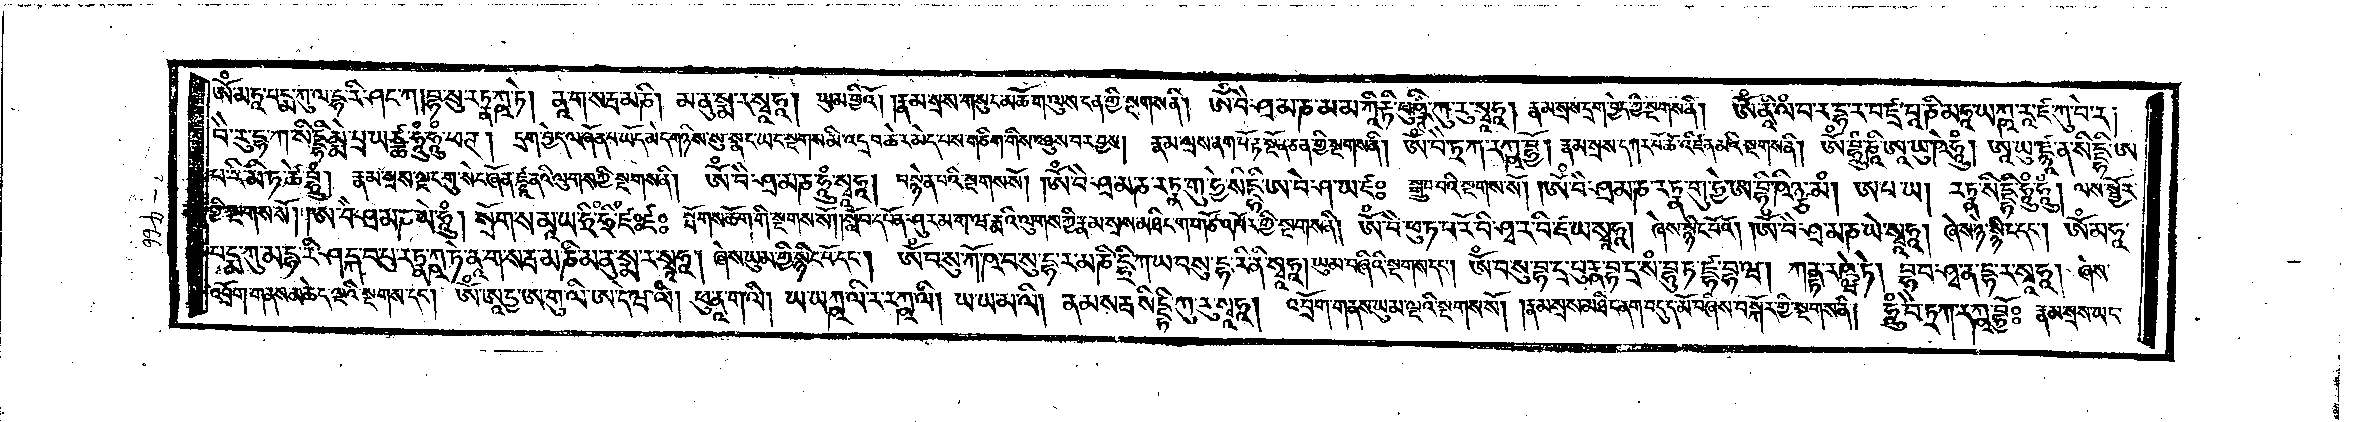ཨོཾ་མཧཱ་པདམ་ཀུ་ལ་དྷ་རི་ཤང་ཀ། བྷ་སུ་རཏྣ་ཀྵ་ཏེ། ནཱ་ག་སརྦ་མ་ཎི། མ་ནུ་སྨ་ར་སྭཱཧཱ། ཡུམ་གྱིའོ། །རྣམ་སྲས་གསུང་མཆོག་ལུས་ངན་གྱི་སྔགས་ནི།  ཨོཾ་བཻ་ཤྲ་མ་ཎ་མ་མ་ཀཱིརྟི་པུཥྚིཾ་ཀུ་རུ་སྭཱཧཱ། རྣམ་སྲས་དྲག་བྱིད་ཀྱི་སྔགས་ནི།  ཨོཾ་ནཱི་ལཾ་བ་ར་དྷ་ར་བཛྲ་པཱ་ཎི་མཧཱ་ཡཀྵ་རཱ་ཛ་ཀུ་བེ་ར།
བཻ་རུ་དྷ་ཀ་སིདྡྷི་མེ་པྲ་ཡཙྪ་ཧཱུཾ་ཧཱུཾ་ཕཊ། དྲག་བྱེད་ལ་ཞོན་པ་ཡོད་མེད་གཉིས་སུ་སྣང་ཡང་སྔགས་མི་འདྲ་བ་ཆེར་མེད་པས་གཅིག་གིས་འཐུས་བར་བྱེས། རྣམ་སྲས་ནག་པོ་རྟ་སྔོན་ཅན་གྱི་སྔགས་ནི།  ཨོཾ་པཻ་ཏྲ་ཀ་རཀྵ་བྷྱོ། རྣམ་སྲས་དཀར་བོ་ཚེ་འཛིན་མའི་སྔགས་ནི།  ཨོཾ་བྷྲུཾ་ཎཱི་ཨཱ་ཡུཥེ་ཧཱུཾ། ཨཱ་ཡུ་ཛྙཱ་ན་སིདྡྷི་ཨ་
པ་རི་མི་ཏ་ཚེ་བྷྲུཾ། རྣམ་སྲས་ལྗང་གུ་སེང་ཞོན་ཛྙཱ་ནའི་ལུགས་ཀྱི་སྔགས་ནི།  ཨོཾ་བཻ་ཤྲ་མཎ་ཧཱུཾ་སྭཱཧཱ། བསྙེན་པའི་སྔགས་སོ།  །ཨོཾ་པཻ་ཤྲ་མཎ་རཏྣ་གུ་ཧྱེ་སིདྡྷི་ཨ་བེ་ཤ་ཡ་ཛཿ སྒྲུབ་བའི་སྔགས་སོ།  །ཨོཾ་བཻ་ཤྲ་མཎ་རཏྣ་གུ་ཧྱེ་ཨ་བྷི་ཥིཉྩ་མཾ། ཨ་པ་ཡ། རཏྣ་སིདྡྷི་ཧཱུཾ་ཧཱུཾ། ལས་སྦྱོར་
གྱི་སྔགས་སོ། །ཨོཾ་པཻ་ཤྲ་མ་ཎ་ཡེ་ཧཱུཾ། སྲོགས་མཱ་ཡ་ཧྲིཾ་ཧྲིཾ་ཛཿཛཿ སྦོགས་ཆོག་གི་སྔགས་སོ། །སློབ་དཔོན་ཤུ་རམ་ག་ཝརྨའི་ལུགས་ཀྱི་རྣམ་སྲས་མཐིང་ག་གཙོ་འཁོར་གྱི་སྔགས་ནི།  ཨོཾ་བཻ་ཕུ་ཏ་པ་རོ་བི་ཤྭ་ར་བི་ཛ་ཡ་སྭཱཧཱ། ཞེས་སྙིང་བོའོ།  །ཨོཾ་བཻ་ཤྲ་མཎ་ཡེ་སྭཱཧཱ། ཞེས་ཉེ་སྙིང་དང་།  ཨོཾ་མཧཱ་
པདམ་ཀུ་མ་དྷ་རི་ཤངྐ་བ་པུ་རཏྣ་ཀྵ་ཏེ་ནཱ་ག་སརྦ་མ་ཎི་མ་ནུ་སྨར་སྭཱཧཱ། ཞེས་ཡུམ་གྱི་སྙིང་བོ་དང་།  ཨོཾ་བ་སུ་ཀོ་ཥ་བ་སུ་དྷ་ར་ཎི་དྷྲི་ཀ་ཡ་བ་སུ་དྷ་རི་ནི་སྭཱཧཱ། ཡུམ་བཞིའི་སྔགས་དང་།  ཨོཾ་བ་སུ་བྷ་དྲ་པུརྣ་བྷ་དྲ་སཾ་བྷུཏ་ཛྷ་བྷ་ཝ། ཀནྟ་རཥྭེ་ཏེ། བྷྲ་བ་ཤྭ་ན་དྷ་ར་སྭཱཧཱ། ཞེས་
འབྲོག་གནས་མཆེད་ལྔའི་སྔགས་དང་། ཨོཾ་ཨཱདྱ་ཨ་གུ་ལི་ཨ་དེ་ཝ་ལི། ཕུནཱ་ག་ལི། ཡ་ཡཀྵ་ལིར་རཀྵ་ལི། ཡ་ཡ་མ་ལི། ན་མ་སརྦ་སིདྡྷི་ཀུ་རུ་སྭཱཧཱ། འབྲོག་གནས་ཡུམ་ལྔའི་སྔགས་སོ། །རྣམ་སྲས་མཐིང་ནག་བདུད་མོ་བཞིས་བསྐོར་གྱི་སྔགས་ནི།  ཧཱུཾ་བཻ་ཏྲཀ་རཀྵ་བྷྱོཿ རྣམ་སྲས་ཡང་